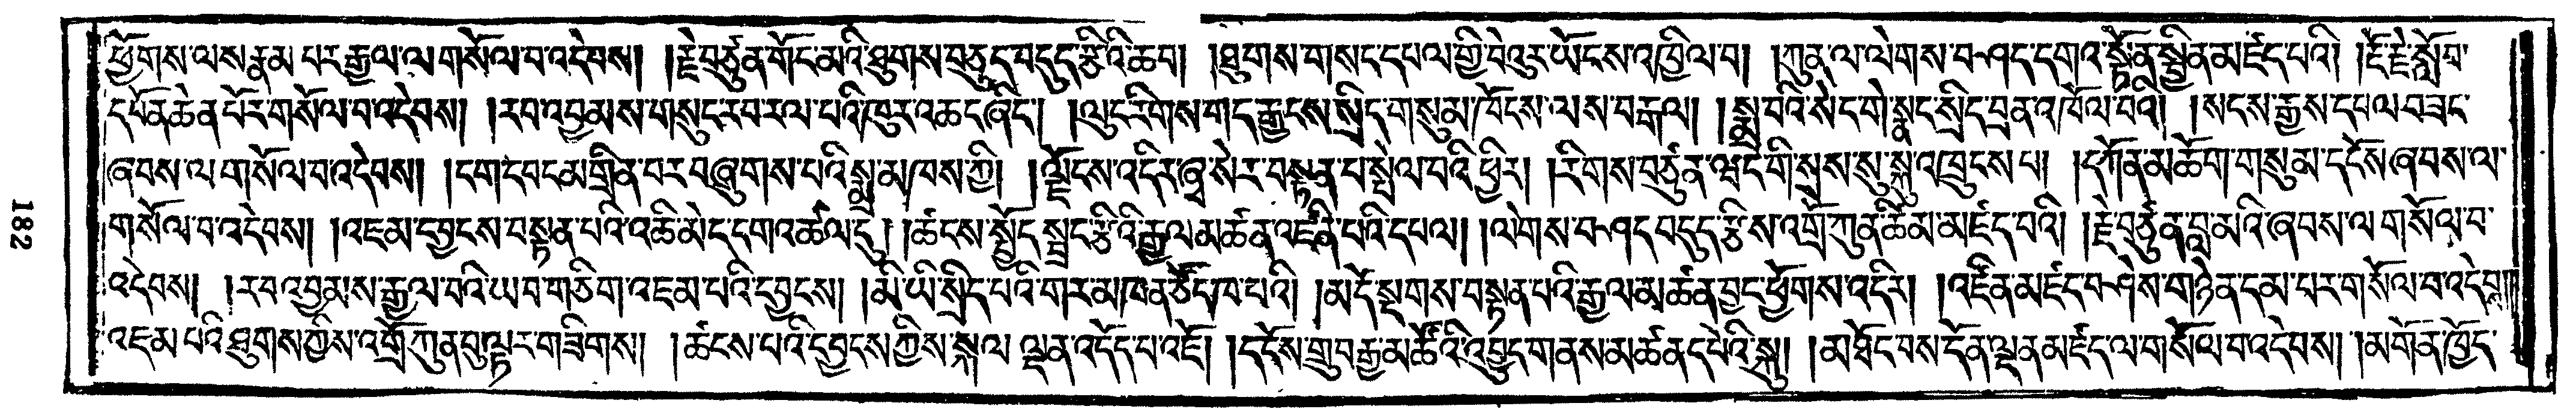ཕྱོགས་ལས་རྣམ་པར་རྒྱལ་ལ་གསོལ་བ་འདེབས། །རྗེ་བཙུན་གོང་མའི་ཐུགས་བཅུད་བདུད་རྩིའི་ཆབ། །ཐུགས་གསང་དཔལ་གྱི་བེའུར་ཡོངས་འཁྱིལ་བ། །ཀུན་ལ་ལེགས་བཤད་དགའ་སྟོན་སྦྱིན་མཛད་པའི། །རྡོ་རྗེ་སློབ་
དཔོན་ཆེན་པོར་གསོལ་བ་འདེབས། །རབ་འབྱམས་གསུང་རབ་རལ་པའི་ཁུར་འཆང་ཞིང་། །ལུང་རིགས་གད་རྒྱངས་སྲིད་གསུམ་ཁོངས་ལས་བརྒལ། །སྨྲ་བའི་སེང་གེ་སྣང་སྲིད་བྲན་འཁོལ་བའི། །སངས་རྒྱས་དཔལ་བཟང་
ཞབས་ལ་གསོལ་བ་འདེབས། །ངག་དབང་མགྲིན་པར་བཞུགས་པའི་སྨྲ་མཁས་ཀྱི། །ལྗོངས་འདིར་ཞྭ་སེར་བསྟན་པ་སྤེལ་བའི་ཕྱིར། །རིགས་བཙུན་ཝང་གི་སྲས་སུ་སྐུ་འཁྲུངས་པ། །དཀོན་མཆོག་གསུམ་དངོས་ཞབས་ལ་
གསོལ་བ་འདེབས། །འཇམ་དབྱངས་བསྟན་པའི་འཆི་མེད་དགའ་ཚལ་དུ། །ཚངས་སྤྱོད་སྦྲང་རྩིའི་རྒྱལ་མཚན་འཛིན་པའི་དཔལ། །ལེགས་བཤད་བདུད་རྩིས་འགྲོ་ཀུན་ཚིམ་མཛད་པའི། །རྗེ་བཙུན་བླ་མའི་ཞབས་ལ་གསོལ་བ་
འདེབས། །རབ་འབྱམས་རྒྱལ་བའི་ཡབ་གཅིག་འཇམ་པའི་དབྱངས། །མི་ཡི་སྲིད་པའི་གར་མཁན་ཙོང་ཁ་པའི། །མདོ་སྔགས་བསྟན་པའི་རྒྱལ་མཚན་བྱང་ཕྱོགས་འདིར། །འཛིན་མཛད་བཤེས་གཉེན་དམ་པར་གསོལ་བ་འདེབས།།
འཇམ་པའི་ཐུགས་ཀྱིས་འགྲོ་ཀུན་བུ་ལྟར་གཟིགས། །ཚངས་པའི་དབྱངས་ཀྱིས་སྐལ་ལྡན་འདོད་པ་འཇོ། །དངོས་གྲུབ་རྒྱ་མཚོའི་འབྱུང་གནས་མཚན་དཔེའི་སྐུ། །མཐོང་བས་དོན་ལྡན་མཛད་ལ་གསོལ་བ་འདེབས། །མགོན་ཁྱོད་